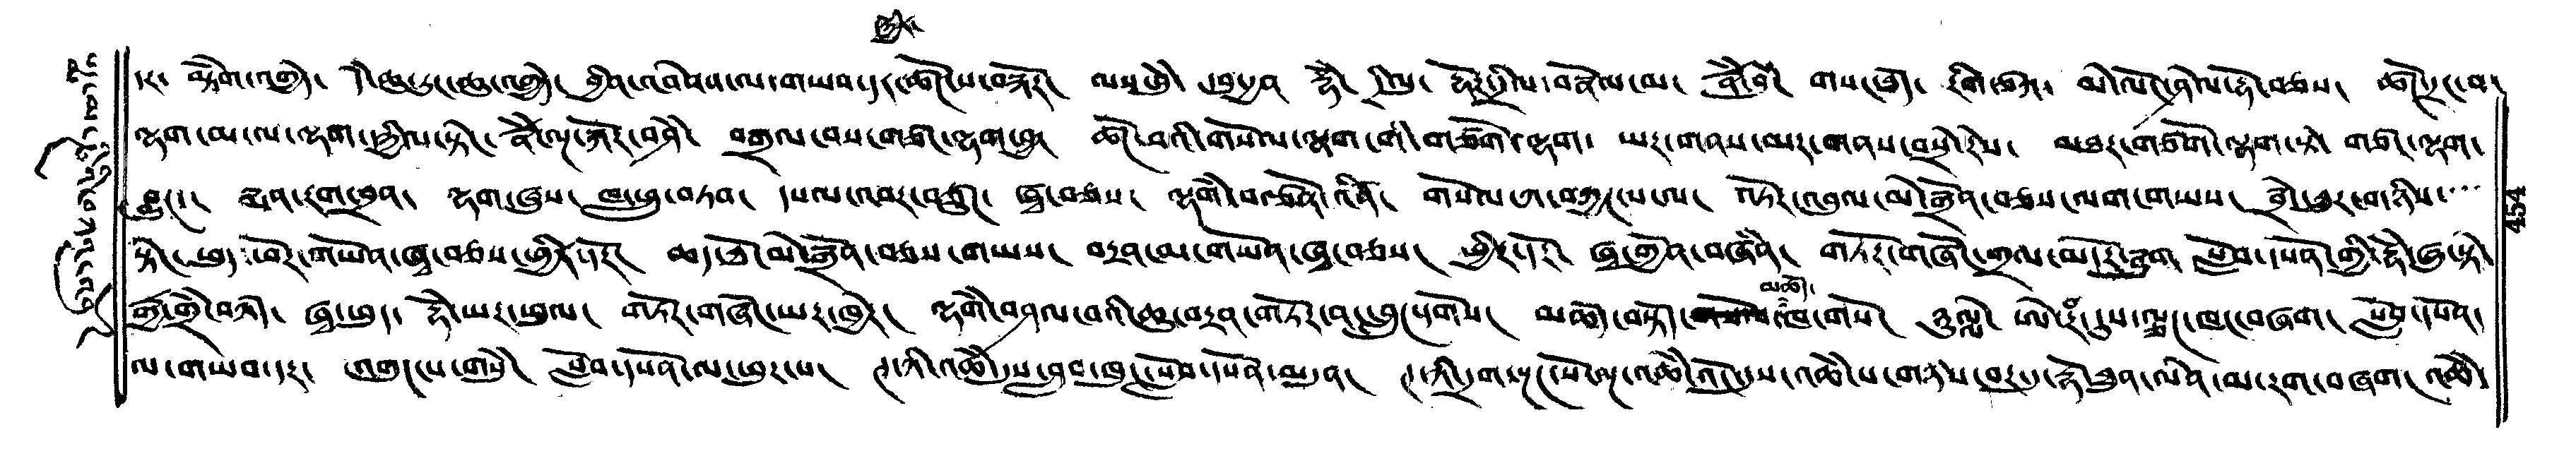དར། མེ་ཏོག་འགྱེད། དམ་ཆུ་རུང་ཆུ་འགྱེད། བྱིན་འབེབས་ལ་གཡབ་དར།དཀྱིལ་འཁོར་ལ་ཚོགས་པས་བསྐོར། ལས་བུམ། དབུ་རྒྱན། རྡོ་རྗེ། དྲིལ་བུ། རྡོར་དྲིལ་བསྣོལ་མ། རྣམ་བུམ། གསང་ཐོད། རིག་ཙཀ མེ་ལོང་ཤེལ་རྡོ་བཅས། ཚོགས་དྲང་བ། 
ལྷག་མ་ལ་ལྷག་དཀྱིལ་སྟེང་རྣམ་ལྔ་སྐོར་བཤམ། སྒྲལ་བས་གཙང་ལྷག་བྱ། ཚོགས་བའི་གསོལ་ལྷག་གི་གཙོག་ལྷག ཡར་གནས་མར་གནས་བསྲེ་རེས། མཐར་གཙོག་ལྷག་སྟེང་གཙང་ལྷག་
བླུགས། སྨན་རཀ་བྲན། ལྷག་ཞུས། ཁ་ཕྲུ་གདབ། དཔལ་འབར་བཙུགས། ཞྭ་བཅས། ལྷག་མ་བརྩོན་འཛིན། གསོལ་ཀ་བཀྱགས་པ་ལ། གཏོར་འབུལ་མེ་སྒྲོན་བཅས་ལག་གཡས། སྦྲེང་ཐུར་གཉིས་
སྟེང་ཕུད་ཕོར་གཡོན་ཞྭ་བཅས་ཕྱིར་དོར། ཆད་ཐོ་མེ་སྒྲོན་བཅས་གཡས། བརྟན་མ་གཡོན་ཞྭ་བཅས། ཕྱི་དོར། ཞྭ་གྱོན་བཞིན། གཏོར་གཞོང་གྲལ་མདོར་སྦུབ། སློབ་དཔཽན་གྱི་རྡོ་རྗེ་ཞུས་སྟེ་
རྒྱ་གྲམ་དགཽད། ཞྭ་ཕུད། རྡོ་རྗེ་ཡར་ཕུལ། གཏོར་གཞོང་ཡར་ཁྱེར། ལྷག་མ་བཤལ་བའི་ཆུ་བརྟན་གཏོར་ནང་བླུག་དགོས། མཆོད་བསྟོད་མཆོད་ཁ་གསོ། ཉུལླེ། ཨེ་རཾ་དུས་ལྕགས་ཁང་བཞག སློབ་དཔོན་
ལ་གཡབ་དར། འགུགས་པ་གསུམ། སློབ་དཔོན་ལ་ཕུར་པ། ཊ་ཀི་འཆམ་དུས་བྲུབ་ཁུང་སློབ་དཔོན་མདུན། ཊ་ཀི་དྲག་སྔགས་སོ་ལྔ་འཆམ་འོང་དུས་འཆམ་པ་གཉིས་བར་དུ་རྡོ་ཐུན་ལེན་མ་རག་བཞག འཆམ་